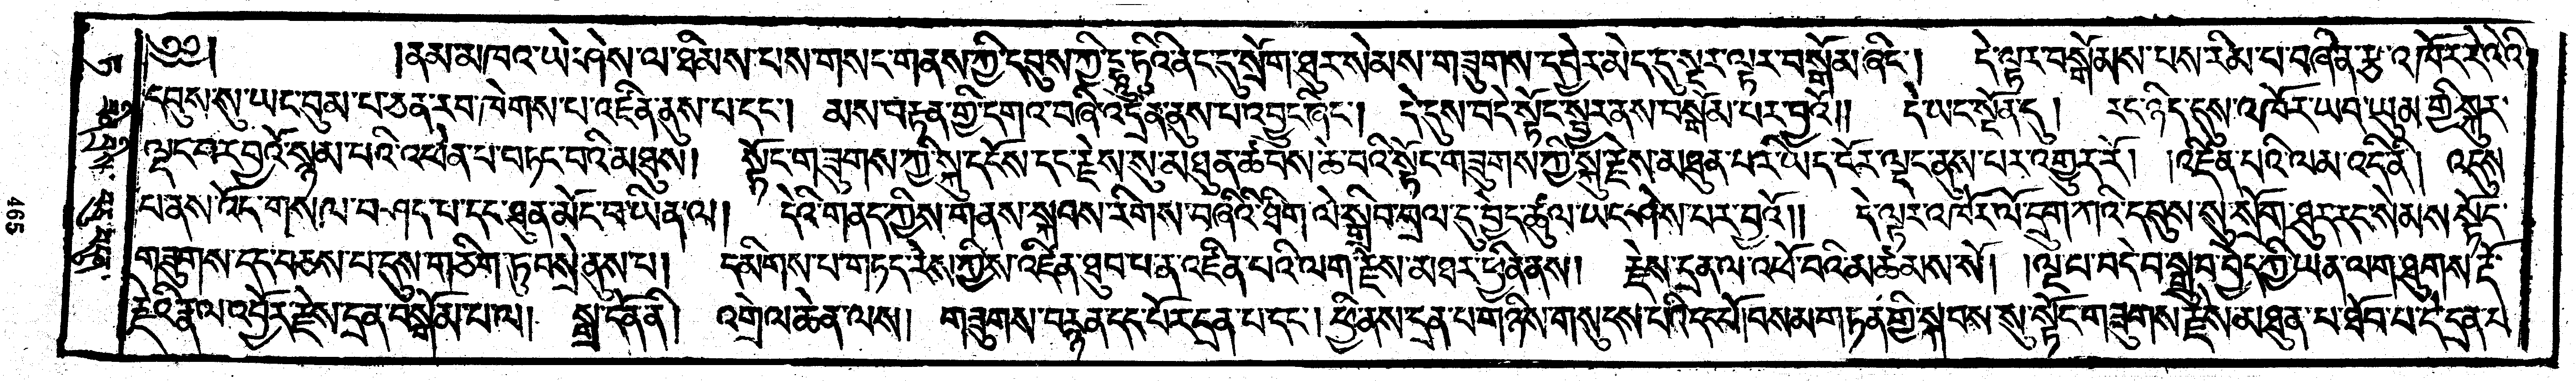༄༅། །ནམ་མཁའ་ཡེ་ཤེས་ལ་ཐིམས་པས་གསང་གནས་ཀྱི་དབུས་ཀྱི་དྷཱུ་ཏཱིའི་ནང་དུ་སྲོག་ཐུར་སེམས་གཟུགས་དབྱེར་མེད་དུ་སྔར་ལྟར་བསྒོམ་ཞིང་། དེ་ལྟར་བསྒོམས་པས་རིམ་པ་བཞིན་རྩ་འཁོར་རེའེའི་
དབུས་སུ་ཡང་བུམ་པ་ཅན་རབ་ཁེགས་པ་འཛིན་ནུས་པ་དང་། མས་བརྟན་གྱི་དགའ་བཞི་འདྲེན་ནུས་པ་འབྱུང་ཞིང་། དེ་དུས་བདེ་སྟོང་སྦྱར་ནས་བསྒོམ་པར་བྱའོ།། དེ་ཡང་སྔོན་དུ། རང་ཉིད་དུས་འཁོར་ཡབ་ཡུམ་གྱི་སྐུར་
ལྡང་བར་བྱའོ་སྙམ་པའི་འཕེན་པ་བཏང་པའི་མཐུས། སྟོང་གཟུགས་ཀྱི་སྐུ་དངོས་དང་རྗེས་སུ་མཐུན་ཚབས་ཆེ་བའི་སྟོང་གཟུགས་ཀྱི་སྐུ་རྗེས་མཐུན་པར་ཡིད་ངོར་ལྡང་ནུས་པར་འགྱུར་རོ། །འཛིན་པའི་ལམ་འདི་ནི། འདུས་
པ་ནས་འོད་གསལ་བཤད་པ་དང་ཐུན་མོང་བ་ཡིན་ལ། དེའི་གནས་ཀྱིས་གནས་སྐབས་རིགས་བཞིའི་ཐིག་ལེ་སྒྲིབ་བྲལ་དུ་བྱེད་ཚུལ་ཡང་ཤེས་པར་བྱའོ།། དེ་ལྟར་འཁོར་ལོ་དྲུག་ཀའི་དབུས་སུ་སྲོག་ཐུར་རང་སེམས་སྟོད་
གཟུགས་དང་བཅས་པ་དུས་གཅིག་ཏུ་བསྲེ་ནུས་པ། དམིགས་པ་གཏད་རེས་ཀྱིས་འཛིན་ཐུབ་པ་ན་འཛིན་པའི་ལག་རྗེས་མཐར་ཕྱིན་ནས། རྗེས་དྲན་ལ་འཕོ་བའི་མཚམས་སོ། །ལྔ་པ་བདེ་བ་སྒྲུབ་བྱེད་ཀྱི་ཡན་ལག་ཐུགས་རྡོ་
རྗེའི་རྣལ་འབྱོར་རྗེས་དྲན་བསྒོམ་པ་ལ། སྒྲ་དོན་ནི། འགྲེལ་ཆེན་ལས། གཟུགས་བརྙན་དང་པོར་དྲན་པ་དང་། ཕྱི་ནས་དྲན་པ་གཉིས་གསུངས་པའི་དང་པོ། བསམ་གཏན་གྱི་སྐབས་སུ་སྟོང་གཟུགས་རྗེས་མཐུན་པ་ཐོབ་པ་དེ་དྲན་པ་